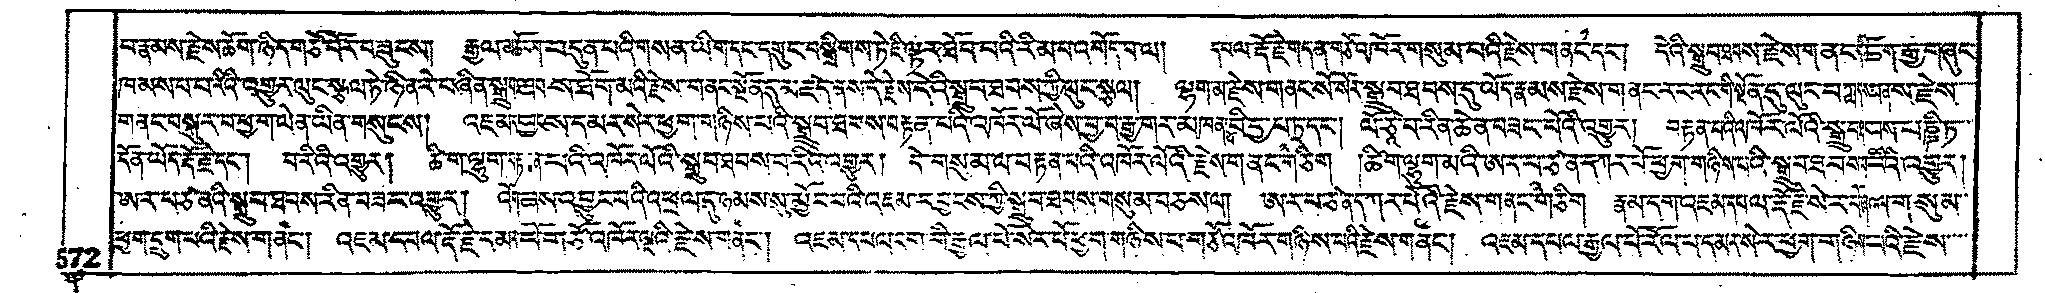པ་རྣམས་རྗེས་ཆོག་ཉིད་གཙོ་བོར་བཟུངས། རྒྱལ་མཆོག་བདུན་པའི་གསན་ཡིག་དང་དགུང་བསྒྲིགས་ཏེ་ཇི་ལྟར་ཐོབ་པའི་རིམ་པ་འགོད་པ་ལ། དཔལ་རྡོ་རྗེ་གདན་གཙོ་འཁོར་གསུམ་པའི་རྗེས་གནང་དང་། དེའི་སྒྲུབ་ཐབས་རྗེས་གནང་གི་ཆོག་ག་རྒྱ་གཞུང་
ཁམས་པ་བ་རིའི་འགྱུར་ལུང་སྩལ་ཏེ་ཉིན་རེ་བཞིན་སྒྲུབ་ཐབས་ཐོག་མའི་རྗེས་གནང་སྔོན་དུ་མཛད་ནས་དེ་རྗེས་དེའི་སྒྲུབ་ཐབས་ཀྱི་ལུང་སྩལ། ལྷག་མ་རྗེས་གནང་སོ་སོར་སྒྲུབ་ཐབས་དུ་ཡོད་རྣམས་རྗེས་གནང་རང་རང་གི་སྔོན་དུ་ལུང་བཀླགས་ནས་རྗེས་
གནང་བསྐུར་བ་ཕྱག་ལེན་ཡིན་གསུངས། འཇམ་དབྱངས་དམར་སེར་ཕྱག་གཉིས་པའི་སྒྲུབ་ཐབས་བརྟན་པའི་འཁོར་ལོ་ཞེས་བྱ་བ་རྒྱ་གར་མཁན་བོ་བི་ཏྱ་པ་ཏྲ་དང་། ལོ་ཙཱ་བ་རིན་ཆེན་བཟང་པོའི་འགྱུར། རྟན་པའི་ཁོར་ལོའི་སྒྲུ་ཐབས་པ་ནྜི་ཏ་
དོན་ཡོད་རྡོ་རྗེ་དང་། བ་རིའི་འགྱུར། ཆིག་ལྷུ་བརྟན་པའི་འཁོར་ལོའི་སྒྲུབ་ཐབས་པ་རིའི་འགྱུར། དེ་གསུམ་ལ་བརྟེན་པའི་ཁོར་ལོའི་རྗེས་གནང་གཅིག །ཚིག་ལྷུག་མའི་ཨ་ར་པ་ཙ་ན་དཀར་པོ་ཕྱག་གྱིས་པའི་སྒྲུབ་ཐབས་པ་རིའི་འགྱུར།
ཨ་ར་པ་ཙ་ནའི་སྒྲུབ་ཐབས་རིན་བཟང་འགྱུར། །འོག་ནས་བྱུང་བའི་འཕྲལ་དུ་ཉམས་སུ་མྱོང་བའི་འཇམ་དབྱངས་ཀྱི་སྒྲུབ་ཐབས་གསུམ་བཅས་ལ། ཨ་ར་ཙ་ན་དཀར་པོའི་རྗེས་གནང་གཅིག། རྣམ་དག་འཇམ་དཔལ་རྡོ་རྗེ་སེར་པོ་ཞལ་གསུམ་
ཕྱག་དྲུག་པའི་རྗེས་གནང་། འཇམ་དཔལ་རྡོ་རྗེ་དམར་པོ་གཙོ་འཁོར་ལྔའི་རྗེས་གནང་། འཇམ་དཔལ་ངག་གི་རྒྱལ་པོ་སེར་པོ་ཕྱག་གཉིས་པ་གཙོ་འཁོར་གཉིས་པའི་རྗེས་གནང་། ཇམ་དཔལ་རྒྱལ་པོ་རོལ་པ་དམར་སེར་ཕྱག་གཉིས་པའི་རྗེས་